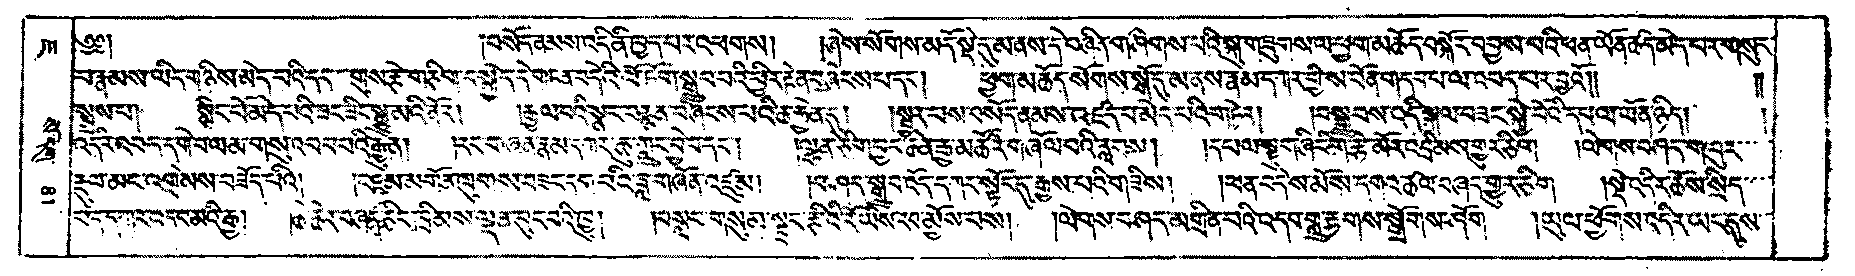༄༅། །བསོད་ནམས་འདི་ནི་ཁྱད་པར་འཕགས། །ཞེས་སོགས་མདོ་སྡེ་དུ་མ་ནས་དེ་བཞིན་གཤེགས་པའི་སྐུ་གཟུགས་ལ་ཕྱག་མཆོད་བསྐོར་བ་བྱས་པའི་ཕན་ཡོན་ཚད་མེད་པར་གསུངས་
པ་རྣམས་ཡིད་གཉིས་མེད་པའི་དད་གུས་རྩེ་གཅིག་བསྐྱེད་དེ་གཏན་བདེའི་ལོ་ཏོག་སྒྲུབ་པའི་ཕྱིར་རྟེན་བཞེངས་པ་དང་། ཕྱག་མཆོད་སོགས་སྒོ་དུ་མ་ནས་རྣམ་དཀར་གྱི་ས་བོན་གདབ་པ་ལ་འབད་པར་བྱའོ།། །།
སྨྲས་པ། སྙིང་པོ་མེད་པའི་ཟང་ཟིང་སྒྱུ་མའི་ནོར། །རྒྱལ་བའི་སྣང་བརྙན་བཞེངས་པའི་ཆ་རྐྱེན་དུ། །སྦྱར་པས་བསོད་ནམས་འཛད་པ་མེད་པའི་གཏེར། །བསྒྲུབས་འདི་སྐལ་བཟང་སྐྱེ་བོའི་དཔལ་ཡོན་ཉིད། །
འདིར་འབད་དགེ་བ་ལམ་གསུམ་འབབ་པའི་རྒྱུན། །རང་གཞན་རྣམ་དཀར་ཆུ་ཀླུང་བྱེ་བ་དང་། །ལྷན་ཅིག་བྱང་ཆེན་རྒྱ་མཚོར་གཞོལ་བའི་རླབས། །དཔལ་སྟུག་ཞིང་གི་རྩེ་མོར་འབྲིམས་གྱུར་ཅིག །ལེགས་བཤད་ག་བུར་
རྡུལ་མང་འགྲེམས་བཟོད་པའི། །འཇམ་མགོན་ལུགས་བཟང་དག་པའི་ཟླ་གཞོན་འཛུམ། །བཤད་སྒྲུབ་འོད་དཀར་སྟོང་དུ་རྒྱས་པའི་གཟིས། །ཕན་བདེ་ས་མོས་དགའ་ཚལ་བཞད་གྱུར་ཅིག །སྡེ་འདིར་ཆོས་སྲིད་
པད་དཀར་འདབ་མའི་རྒྱ། །ཆེ་ཆེར་བཞད་ཅིང་ཁྲིམས་ལྡན་བུང་བའི་ཁྱུ། །བསླབ་གསུམ་སྦྲང་རྩིའི་རོ་ཡིས་རབ་མྱོས་པས། །ལེགས་བཤད་མགྲིན་པའི་འདབ་གླུ་རྟགས་སྒྲོགས་ཤོག །ཡུལ་ཕྱོགས་འདིར་ཡང་དུས་